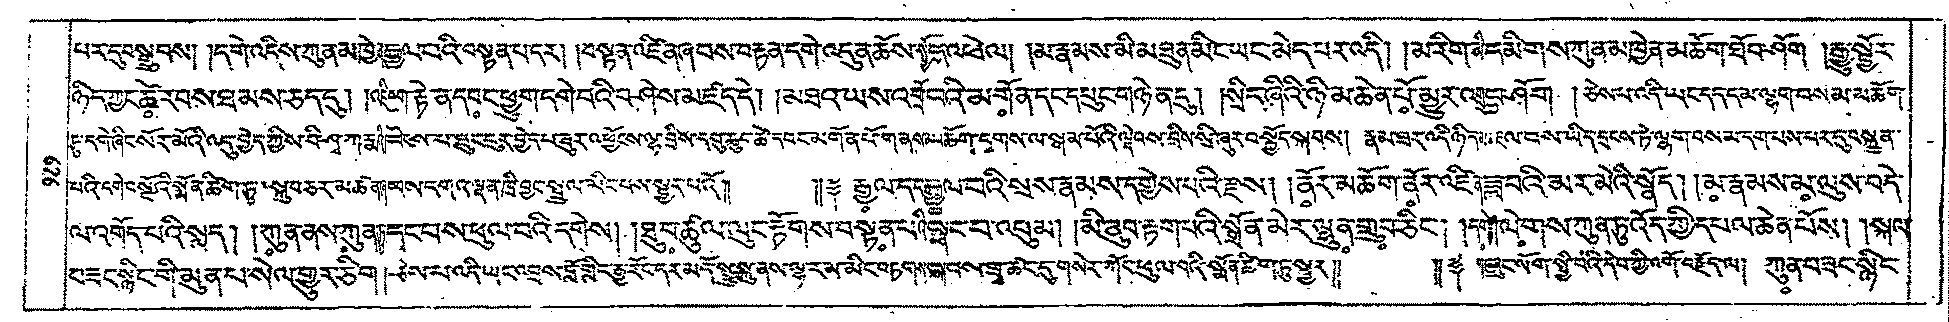པར་དུ་བསྒྲུབས། །དགེ་འདིས་ཀུན་མཁྱེན་རྒྱལ་བའི་བསྟན་པ་དར། །བསྟན་འཛིན་ཞབས་བརྟན་དགེ་འདུན་ཆོས་སྤྱོད་འཕེལ། །མ་རྣམས་མི་མཐུན་མིང་ཡང་མེད་པར་འདི། །མ་རིག་མི་དམིགས་ཀུན་མཁྱེན་མཆོག་ཐོབ་ཤོག །རྒྱུ་སྦྱོར་
ཉིད་ཀྱང་ཚེ྾་རབས་ཐམས་ཅད་དུ། །འཇིག་རྟེན་དབང྾་ཕྱུག་དགེ་བའི་བཤེས་མཛད་དེ། །མཐའ་ཡས་འགྲོ་བའི་མགོན྾་དང་དཔུང་གཉེན་དུ། །སྲིད་ཞིའི་ཉི་མ་ཆེན་པོ྾་མྱུར་འགྲུབ་ཤོག །ཅེས་པ་འདི་ཡང་དད་དམ་ལྷག་བསམ་མཆོག་
ཏུ་དགེ་ཞིང་སོར་མོའི་འདུ་བྱེད་ཀྱིས་བི་ཤྭ་ཀརྨའི་ཁེངས་པ་ཐུང་ངུར་བྱེད་པ་ཟུར་འཕྱོངས་ལྷ་བྲིས་དབུ་ཆུང་ཚེ་དབང་མགོན་པོ་གནས་མཆོག་དྭགས་ལ་སྒམ་པོའི་ལྡེབས་བྲིས་སྲི་ཞུར་བསྐྱོད་སྐབས། རྣམ་ཐར་འདི་ཉིད་མཇལ་བས་ཡིད་དྲངས་ཏེ་ལྷག་བསམ་དག་པས་པར་དུ་བསྐྲུན་
པའི་དགེ་བསྔོའི་སྨོན་ཚིག་ཏུ་༧སྐུ་བཅར་མཚན་ཞབས་དགའ་ལྡན་ཁྲི་བྱང་སྤྲུལ་མིང་པས་སྦྱར་པའོ།། །། ༈ རྒྱལ྾་དང་རྒྱལ྾་བའི་སྲས་རྣམས་དགྱེས་པའི་རྫས། །ནོར྾་མཆོག་ནོར྾་འཛིན་ཟླ་བའི་མར་མེའི་སྣོད། །མ྾་རྣམས་མ྾་ལུས་བདེ་
ལ་འགོད་པའི་སླད། །ཀུན྾་ནས་ཀུན྾་ཏུ་དྭང་བས་ཕུལ་བའི་དགེས། །ཐུབ྾་ཚུལ་ལུང་རྟོགས་བསྟན྾་པའི་སྣང་བ་འབུམ། །མི་ནུབ་རྟག་པའི་སྒྲོན་མེར་ལྷུན྾་གྲུབ྾་ཅིང་། །དགེ྾་ལེགས྾་ཀུན་ཏུ་འོད་ཀྱི་དཔལ་ཆེན་པོས། །སྐལ་
བཟང་སྙིང་གི་མུན་པ་སེལ་གྱུར་ཅིག ། ཅེས་པ་འདི་ཡང་འབྲས་བློ་གླིང་རྒྱ་རོང་དར་མདོ་སྤྲུ་སྐུ་ནས་ལྷ་རམ་མིང་བཏགས་སྐབས་གྲྭ་ཚང་དུ་གསེར་ཀོང་ཕུལ་བའི་སྨོན་ཚིག་ཏུ་སྦྱར།། །། ༈ གཞུང་སོག་སྤྱི་པའི་དེབ་ཀྱི་འགོ་བརྗོད་ལ།  ཀུན྾་བཟང་སྙིང་